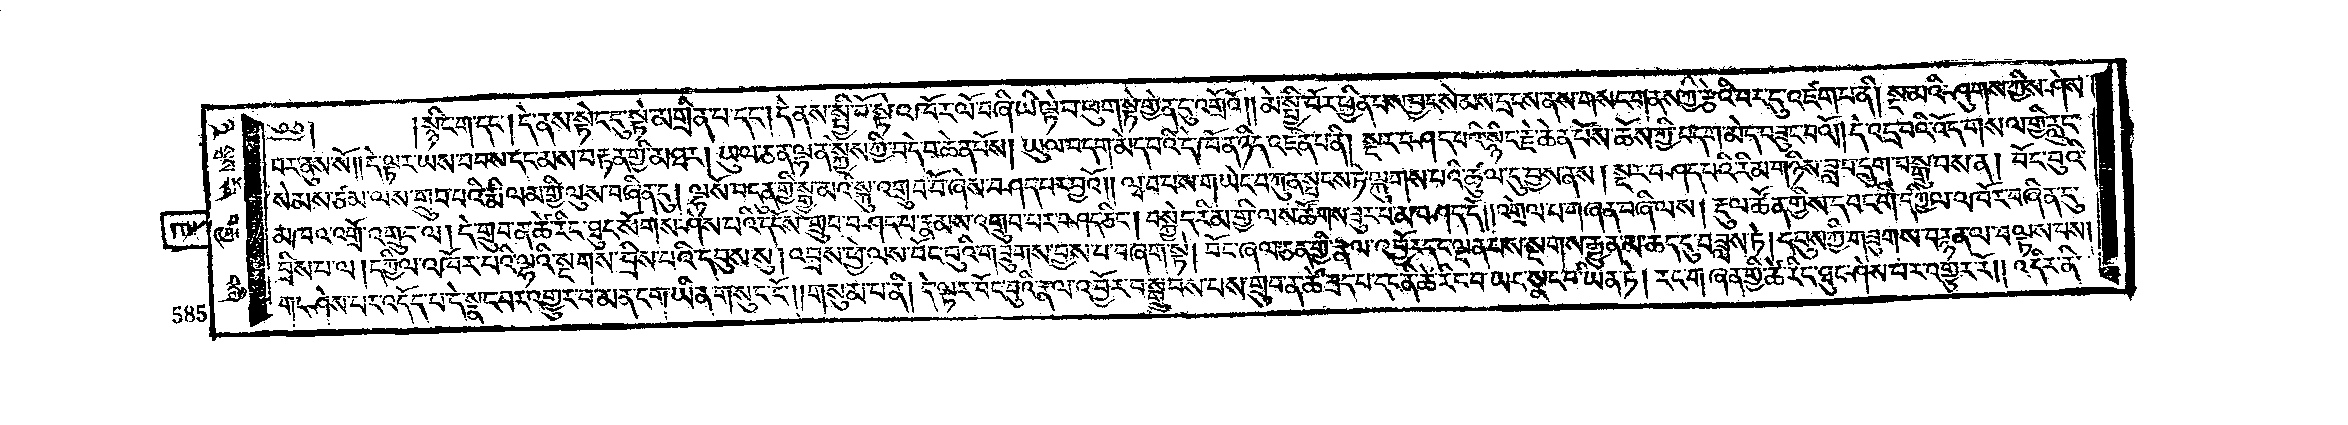༄༅། །སྙིང་ག་དང་། དེ་ནས་སྟེང་དུ་སྟེ་མགྲིན་པ་དང་། དེ་ནས་སྤྱི་བོ་སྟེ་འཁོར་ལོ་བཞི་ཡི་ལྟེ་བ་ཕུག་སྟེ་གྱེན་དུ་འགྲོའོ། །མེ་སྤྱི་བོར་ཕྱིན་པས་བྱང་སེམས་དྲངས་ནས་གསང་གནས་ཀྱི་རྩེའི་བར་དུ་འཛག་པ་ནི། སྔ་མའི་ཤུགས་ཀྱིས་ཤེས་
བར་ནུས་སོ། །དེ་ལྟར་ཡས་བབས་དང་མས་བརྟན་གྱི་མཐར། ཡུལ་ཅན་ལྷན་སྐྱེས་ཀྱི་བདེ་བ་ཆེན་པོས། ཡུལ་བདག་མེད་པའི་དེ་ཁོ་ན་ཉིད་འཛིན་པ་ནི། སྔར་བཤད་པའི་སྙིང་རྗེ་ཆེན་པོས་ཆོས་ཀྱི་བདག་མེད་བཟུང་བའོ། །དེ་འདྲ་བའི་འོད་གསལ་གྱི་རླུང་
སེམས་ཙམ་ལས་གྲུབ་པའི་རྨི་ལམ་གྱི་ལུས་བཞིན་དུ། ལྷ་སོ་བདུན་གྱི་སྒྱུ་མའི་སྐུ་འགྲུབ་བོ་ཞེས་བཤད་པར་བྱའོ། །ལྭ་བ་པས་གཡེང་བ་ཀུན་སྤངས་ཏེ་ལྐུགས་པའི་ཚུལ་དུ་བྱས་ནས། སྔར་བཤད་པའི་རིམ་གཉིས་ཟླ་བ་དྲུག་བསྒྲུབས་ན། བོང་བུའི་
མཁའ་འགྲོ་འགྲུབ་ལ། དེ་གྲུབ་ན་ཚེ་རིང་ཐུང་སོགས་ཤེས་པའི་དངོས་གྲུབ་བཤད་པ་རྣམས་འགྲུབ་པར་བཤད་ཅིང་། བསྐྱེད་རིམ་གྱི་ལས་ཚོགས་ཟུར་པ་མ་བཤད་དོ། །འགྲེལ་པ་གཞན་བཞི་ལས། རྡུལ་ཚོན་གྱིས་དབང་གི་དཀྱིལ་འཁོར་བཞིན་དུ་
བྲིས་པ་ལ། དཀྱིལ་འཁོར་པའི་ལྷའི་སྔགས་བྲིས་པའི་དབུས་སུ། འབྲས་ཕྱེ་ལས་བོང་བུའི་གཟུགས་བྱས་པ་བཞག་སྟེ། བོང་ཞལ་ཅན་གྱི་རྣལ་འབྱོར་དང་ལྡན་པས་སྔགས་རྒྱུན་མ་ཆད་དུ་བཟླས་ཏེ། དབུས་ཀྱི་གཟུགས་བརྙན་ལ་བལྟས་པས།
གང་ཤེས་པར་འདོད་པ་དེ་སྣང་བར་འགྱུར་བ་མན་ངག་ཡིན་གསུང་ངོ། །གསུམ་པ་ནི། དེ་ལྟར་བོང་བུའི་རྣལ་འབྱོར་བསྒྲུབས་པས་གྲུབ་ན་ཚེ་ཟད་པ་དང་ནི་ཚེ་རིང་བ་ཡང་སྣང་བ་ཡིན་ཏེ། རང་གཞན་གྱི་ཚེ་རིང་ཐུང་ཤེས་པར་འགྱུར་རོ། །འདིར་ནི་